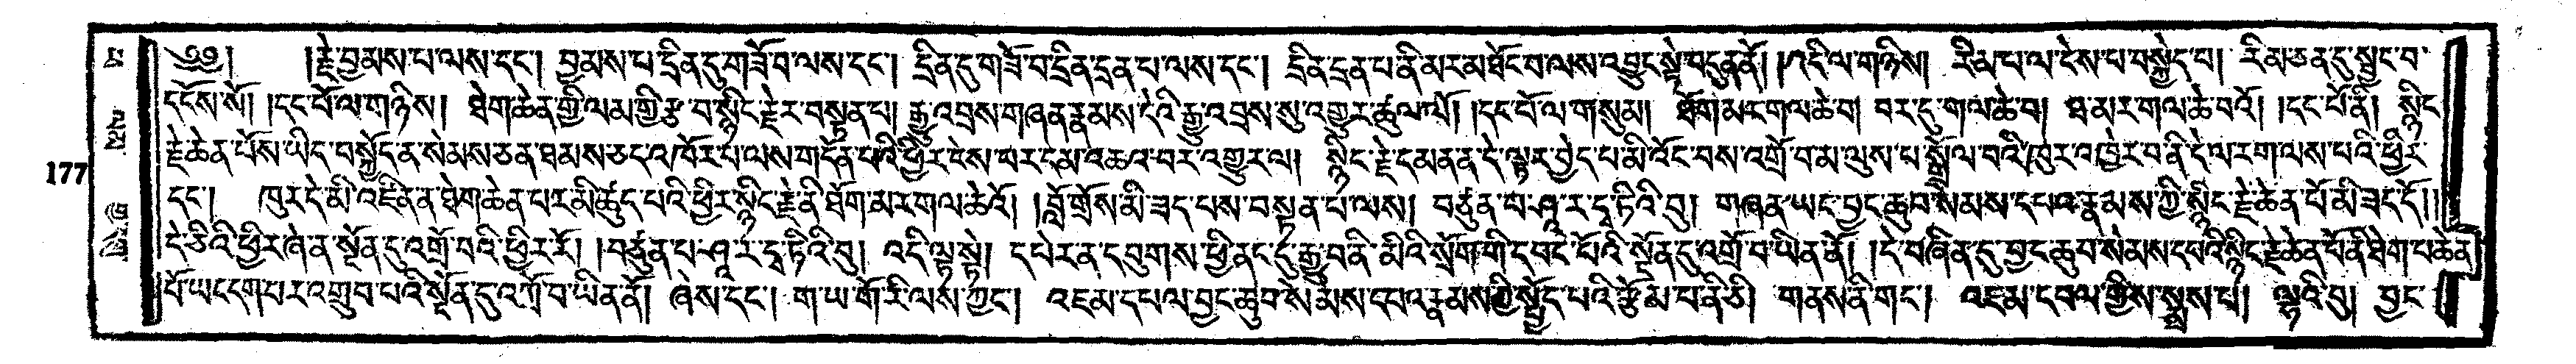༄༅། །རྗེ་བྱམས་པ་ལས་དང་། བྱམས་པ་དྲིན་དུ་གཟོ་བ་ལས་དང་། དྲིན་དུ་གཟོ་བ་དྲིན་དྲན་པ་ལས་དང་། དྲིན་དྲན་པ་ནི་མར་མཐོང་བ་ལས་འབྱུང་སྟེ་བདུན་ནོ། །འདི་ལ་གཉིས། རིམ་པ་ལ་ངེས་པ་བསྐྱེད་པ། རིམ་ཅན་དུ་སྦྱང་བ་
དངོས་སོ། །དང་པོ་ལ་གཉིས། ཐེག་ཆེན་གྱི་ལམ་གྱི་རྩ་བ་སྙིང་རྗེར་བསྟན་པ། རྒྱུ་འབྲས་གཞན་རྣམས་དེའི་རྒྱུ་འབྲས་སུ་འགྱུར་ཚུལ་ལོ། །དང་པོ་ལ་གསུམ། ཐོག་མར་གལ་ཆེ་བ། བར་དུ་གལ་ཆེ་བ། ཐ་མར་གལ་ཆེ་བའོ། །དང་པོ་ནི། སྙིང་
རྗེ་ཆེན་པོས་ཡིད་བསྐྱོད་ན་སེམས་ཅན་ཐམས་འཁོར་པ་ལས་གདོན་པའི་ཕྱིར་ངེས་བར་དམ་འཆའ་བར་འགྱུར་ལ། སྙིང་རྗེ་དམན་ན་དེ་ལྟར་བྱེད་པ་མི་འོང་བས་འགྲོ་བ་མ་ལུས་པ་སྒྲོལ་བའི་ཁུར་འཁྱེར་བ་ནི་དེ་ལ་རག་ལས་པའི་ཕྱིར་
དང་། ཁུར་དེ་མི་འཛིན་ན་ཐེག་ཆེན་པར་མི་ཚུད་པའི་ཕྱིར་སྙིང་རྗེ་ནི་ཐོག་མར་གལ་ཆེའོ། །བློ་གྲོས་མི་ཟད་པས་བསྟན་པ་ལས། བཙུན་བ་ཤཱ་ར་དྭ་ཏིའི་བུ། གཞན་ཡང་བྱང་ཆུབ་སེམས་དཔའ་རྣམས་ཀྱི་སྙིང་རྗེ་ཆེན་པོ་མི་ཟད་དོ།།
དེ་ཅིའི་ཕྱིར་ཞེ་ན་སྔོན་དུ་འགྲོ་བའི་ཕྱིར་རོ། །བཙུན་པ་ཤཱ་ར་དྭ་ཏིའི་བུ། འདི་ལྟ་སྟེ། དཔེར་ན་དབུགས་ཕྱི་ནང་དུ་རྒྱུ་བ་ནི་མིའི་སྲོག་གི་དབང་པོའི་སྔོན་དུ་འགྲོ་བ་ཡིན་ནོ། །དེ་བཞིན་དུ་བྱང་ཆུབ་སེམས་དཔའི་སྙིང་རྗེ་ཆེན་པོ་ནི་ཐེག་པ་ཆེན་
པོ་ཡང་དག་པར་འགྲུབ་པའི་སྔོན་དུ་འགྲོ་བ་ཡིན་ནོ། ཞེས་དང་། ག་ཡ་གོ་རི་ལས་ཀྱང་། འཇམ་དཔལ་བྱང་ཆུབ་སེམས་དཔའ་རྣམས་ཀྱི་སྤྱོད་པའི་རྩོམ་པ་ནི་ཅི། གནས་ནི་གང་། འཇམ་དབལ་གྱིས་སྨྲས་པ། ལྷའི་བུ། བྱང་